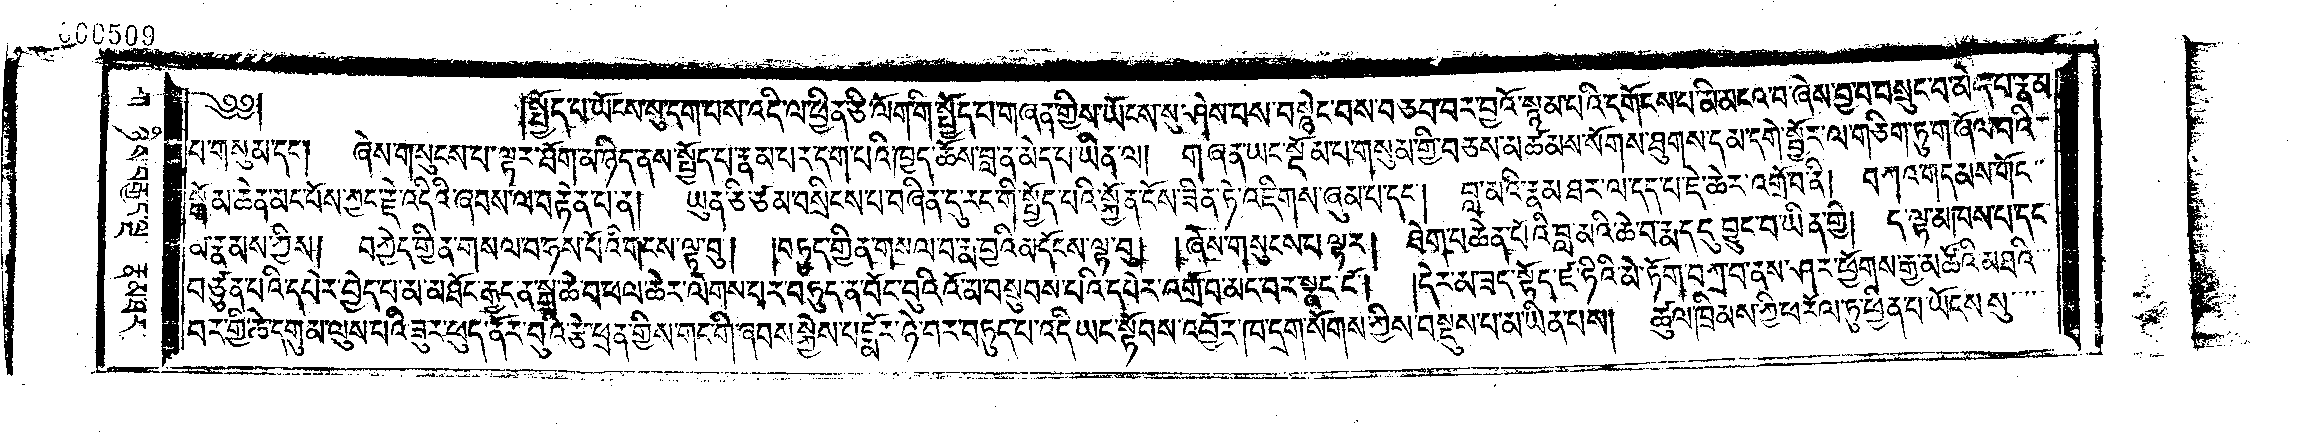༄༅། །སྤྱོད་པ་ཡོངས་སུ་དག་པས་འདི་ལ་ཕྱིན་ཅི་ལོག་གི་སྤྱོད་པ་གཞན་གྱིས་ཡོངས་སུ་ཤེས་པས་བསྙེང་བས་བཅབ་པར་བྱའོ་སྙམ་པའི་དགོངས་པ་མི་མངའ་བ་ཞེས་བྱ་བ་བསྲུང་བ་མེད་པ་རྣམ་
པ་གསུམ་དང་། ཞེས་གསུངས་པ་ལྟར་ཐོག་མ་ཉིད་ནས་སྤྱོད་པ་རྣམ་པར་དག་པའི་ཁྱད་ཆོས་བླ་ན་མེད་པ་ཡིན་ལ། གཞན་ཡང་སྡོམ་པ་གསུམ་གྱི་བཅས་མཚམས་སོགས་ཐུགས་དམ་དགེ་སྦྱོར་ལ་གཅིག་ཏུ་གཞོལ་བའི་
སྒོམ་ཆེན་མང་པོས་ཀྱང་རྗེ་འདིའི་ཞབས་ལ་བརྟེན་པ་ན། ཡུན་ཅི་ཙམ་བསྲིངས་པ་བཞིན་དུ་རང་གི་སྤྱོད་པའི་སྐྱོན་ངོས་ཟིན་ཏེ་འཇིགས་ཞུམ་པ་དང་། བླ་མའི་རྣམ་ཐར་ལ་དད་པ་ཇེ་ཆེར་འགྲོ་བ་ནི། བཀའ་གདམས་གོང་
མ་རྣམས་ཀྱིས། བཀྱེད་གྱིན་གསལ་བ་ཧས་པོའི་གངས་ལྟ་བུ། །བཏུད་གྱིན་གསལ་བ་རྨ་བྱའི་མདོངས་ལྟ་བུ། །ཞེས་གསུངས་པ་ལྟར། ཐེག་པ་ཆེན་པོའི་བླ་མའི་ཆེ་བ་རྨད་དུ་བྱུང་བ་ཡིན་གྱི། ད་ལྟ་མཁས་པ་དང་
བཙུན་པའི་དཔེར་བྱེད་པ་མ་མཐོང་རྒྱང་ན་སྒྲ་ཆེ་བ་ཕལ་ཆེར་ལེགས་པར་བཏུད་ན་བོང་བུའི་འོ་མ་བསྲུབས་པའི་དཔེར་འགྲོ་བ་མང་བར་སྣང་ངོ། །དེར་མ་ཟད་སྟོང་ཛ་ཏིའི་མེ་ཏོག་བཀྲ་བ་ནས་ཤར་ཕྱོགས་རྒྱ་མཚོའི་མཐའི་
བར་གྱི་ཆེ་དགུ་མ་ལུས་པའི་ཟུར་ཕུད་ནོར་བུའི་རྩེ་ཕྲན་གྱིས་གང་གི་ཞབས་སྐྱེས་པདམོར་ཉེ་བར་བཏུད་པ་འདི་ཡང་སྟོབས་འབྱོར་ཁ་དྲག་སོགས་ཀྱིས་བསྡུས་པ་མ་ཡིན་པས། ཚུལ་ཁྲིམས་ཀྱི་ཕ་རོལ་ཏུ་ཕྱིན་པ་ཡོངས་སུ་